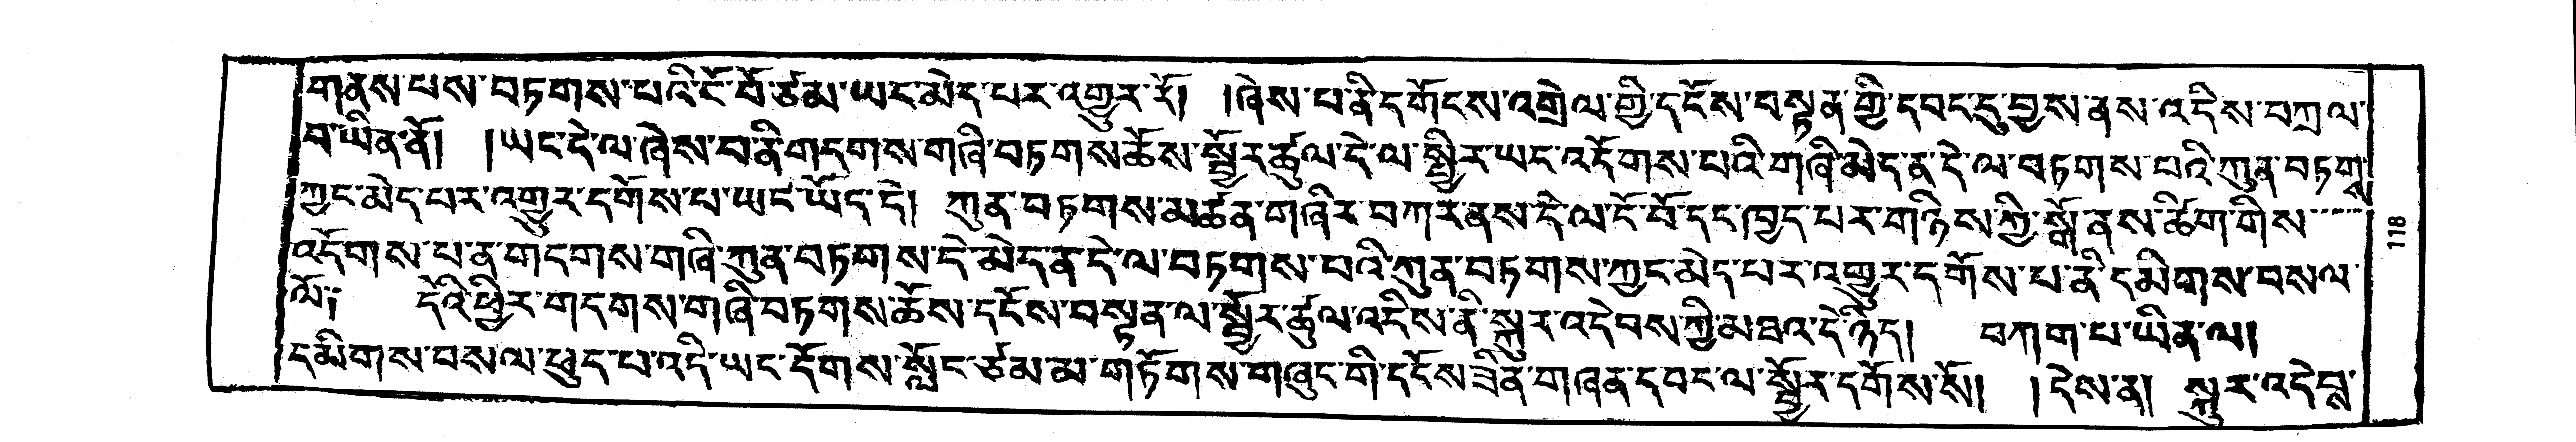གནས་པས་བཏགས་པའི་ངོ་བོ་ཙམ་ཡང་མེད་པར་འགྱུར་རོ། །ཞེས་པ་ནི་དགོངས་འགྲེལ་གྱི་དངོས་བསྟན་གྱི་དབང་དུ་བྱས་ནས་འདིས་བཀྲལ་
བ་ཡིན་ནོ། །ཡང་དེ་ལ་ཞེས་པ་ནི་གདགས་གཞི་བཏགས་ཆོས་སྦྱོར་ཚུལ་དེ་ལ་སྤྱིར་ཡང་འདོགས་པའི་གཞི་མེད་ན་དེ་ལ་བཏགས་པའི་ཀུན་བཏགས་
ཀྱང་མེད་པར་འགྱུར་དགོས་པ་ཡང་ཡོད་དེ། ཀུན་བཏགས་མཚན་གཞིར་བཀར་ནས་དེ་ལ་ངོ་བོ་དང་ཁྱད་པར་གཉིས་ཀྱི་སྒོ་ནས་ཚིག་གིས་
འདོགས་པ་ན་གདགས་གཞི་ཀུན་བཏགས་དེ་མེད་ན་དེ་ལ་བཏགས་པའི་ཀུན་བཏགས་ཀྱང་མེད་པར་འགྱུར་དགོས་པ་ནི་དམིགས་བསལ་
ལོ། དེའི་ཕྱིར་གདགས་གཞི་བཏགས་ཆོས་དངོས་བསྟན་ལ་སྦྱོར་ཚུལ་འདིས་ནི་སྐུར་འདེབས་ཀྱི་མཐའ་དེ་ཉིད། བཀག་པ་ཡིན་ལ།
དམིགས་བསལ་ཕུད་པ་འདི་ཡང་དོགས་སློང་ཙམ་མ་གཏོགས་གཞུང་གི་དངོས་ཟིན་གཞན་དབང་ལ་སྦྱོར་དགོས་སོ། །དེས་ན། སྐུར་འདེབས་